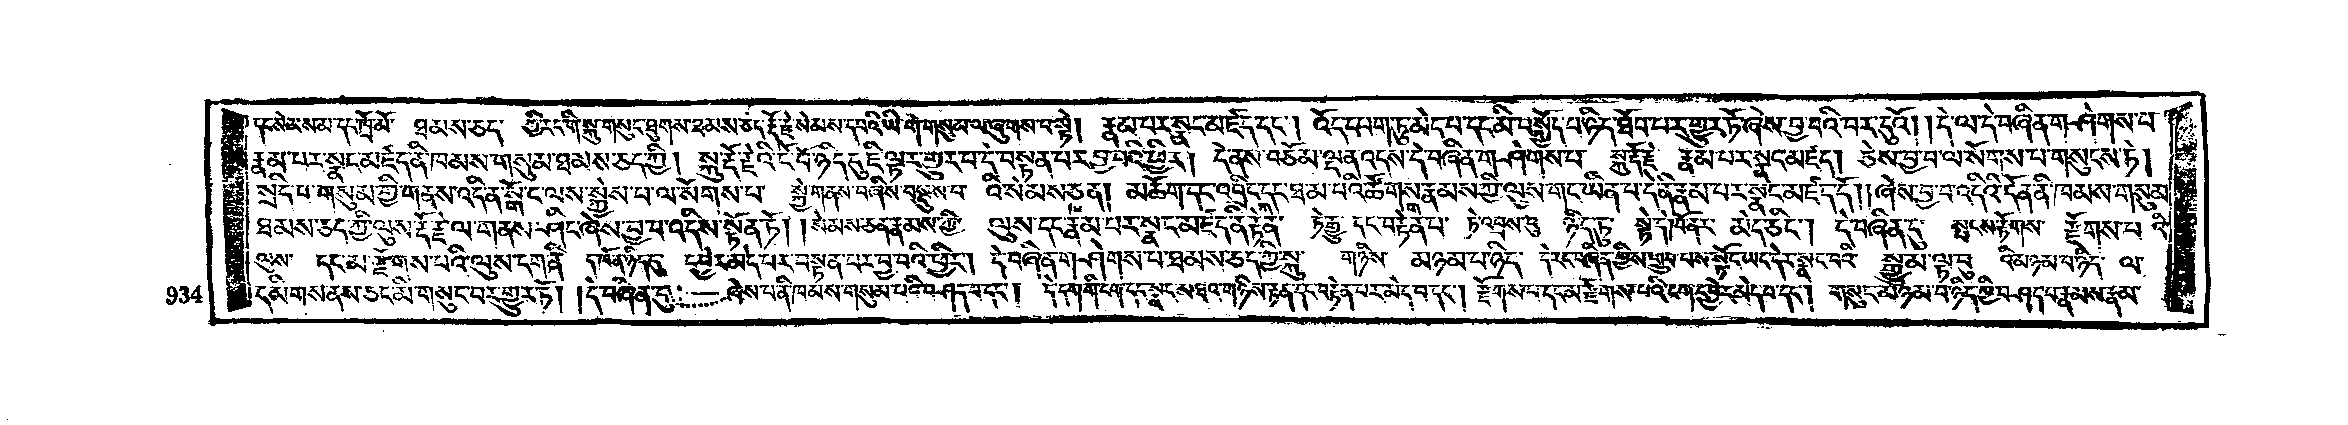དང་སེམས་མ་དང་ཁྲོ་མོ་ཐམས་ཅད་ཀྱི་རང་གི་སྐུ་གསུང་ཐུགས་ཐམས་ཅད་རྡོ་རྗེ་སེམས་དཔའི་ཡི་གེ་གསུམ་ལ་ཞུགས་པ་སྟེ། རྣམ་པར་སྣང་མཛད་དང་། འོད་དཔག་ཏུ་མེད་པ་དང་མི་བསྐྱོད་པ་ཉིད་ཐོབ་པར་གྱུར་ཏོ་ཞེས་བྱ་བའི་བར་དུའོ། །དེ་ལ་དེ་བཞིན་གཤེགས་པ་
རྣམ་པར་སྣང་མཛད་ནི་ཁམས་གསུམ་ཐམས་ཅད་ཀྱི། སྐུ་རྡོ་རྗེའི་ངོ་བོ་ཉིད་དུ་ཇི་ལྟར་གྱུར་པ་དེ་བསྟན་པར་བྱ་བའི་ཕྱིར། དེ་ནས་བཅོམ་ལྡན་འདས་དེ་བཞིན་གཤེགས་པ་སྐུ་རྡོ་རྗེ་རྣམ་པར་སྣང་མཛད། ཅེས་བྱ་བ་ལ་སོགས་པ་གསུངས་ཏེ།
སྲིད་པ་གསུམ་གྱི་གནས་འདི་ན་སྒོ་ང་ལས་སྐྱེས་པ་ལ་སོགས་པ་སྐྱེ་གནས་བཞིས་བསྡུས་པའི་སེམས་ཅན། མཆོག་དང་འབྲིང་དང་ཐ་མ་པའི་ཚོགས་རྣམས་ཀྱི་ལུས་གང་ཡིན་པ་དེ་ནི་རྣམ་པར་སྣང་མཛད་དོ། །ཞེས་བྱ་བ་འདིའི་དོན་ནི་ཁམས་གསུམ་
ཐམས་ཅད་ཀྱི་ལུས་རྡོ་རྗེ་ལ་གནས་ཤིང་ཞེས་བྱ་བ་འདིས་སྟོན་ཏོ། ། སེམས་ཅན་རྣམས་ཀྱི་ལུས་དང་ཁ་རྣམ་པར་སྣང་མཛད་ནི་རྟེན་ཀ་ཏེ་རྒྱུ་དང་བརྟེན་པ་ག་ཏེ་འབྲས་བུ་ཉིད་ཏུ་སྟེ་དེ་ཁོ་ནར་མེད་ཅིང་། དེ་བཞིན་དུ་སྤངས་རྟོགས་རྫོགས་པའི་
ལུས་དང་མ་རྫོགས་པའི་ལུས་དག་ནི་དེ་ཁོ་ན་ཉིད་དུ་དབྱེར་མེད་པར་བསྟན་པར་བྱ་བའི་ཕྱིར། དེ་བཞིན་གཤེགས་པ་ཐམས་ཅད་ཀྱི་སྐུ་གཉིས་མཉམ་པ་ཉིད་དེ་རང་བཞིན་གྱིས་གྲུབ་པས་སྟོང་ཡང་དེར་སྣང་བའི་སྒྱུ་མ་ལྟ་བུའི་མཉམ་པ་ཉིད་ལ་
དམིགས་ནས་ཅང་མི་གསུང་བར་གྱུར་ཏོ། །དེ་བཞིན་དུཿ་ཞེས་པ་ནི་ཁམས་གསུམ་པའི་བཤད་པ་དང་། དེ་དག་གི་ངག་དང་སྣང་མཐའ་གཉིས་རྟན་དང་བརྟེན་པར་མེད་པ་དང་། རྫོགས་པ་དང་མ་རྫོགས་པའི་ངག་དབྱེར་མེད་པ་དང་། གསུང་མཉམ་པ་ཉིད་ཀྱི་བཤད་པ་རྣམས་རྣམ་